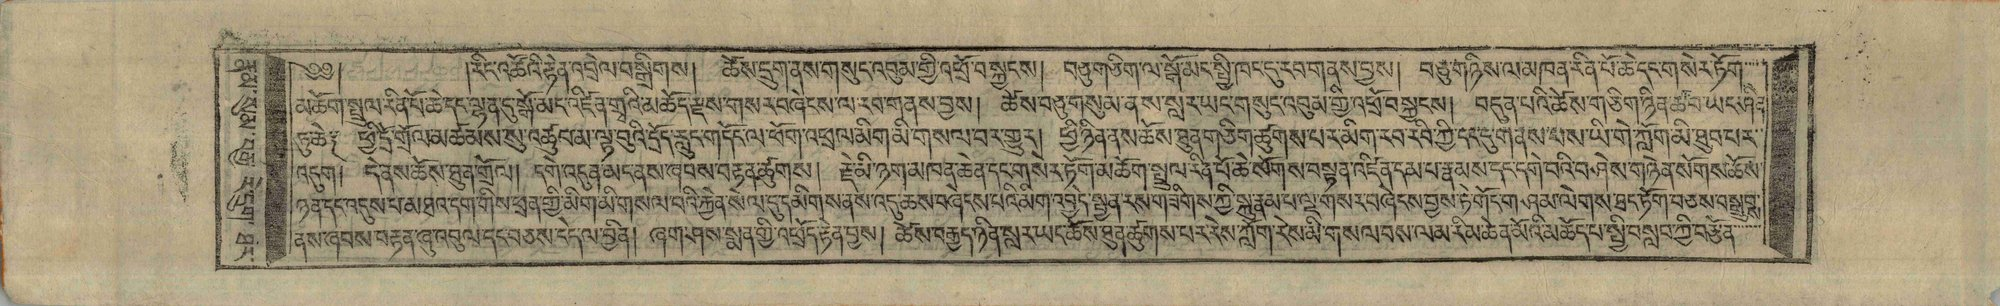༄༅། །རིང་འཚོའི་རྟེན་འབྲེལ་བསྒྲིགས། ཚེས་དྲུག་ནས་གསུང་འབུམ་གྱི་འཕྲོ་བསྐྱངས། བཅུ་གཅིག་ལ་སྒོ་མང་སྤྱི་ཁང་དུ་རབ་གནས་བྱས། བཅུ་གཉིས་ལ་མཁན་རིན་པོ་ཆེ་དང་གསེར་ཏོག་
མཆོག་སྤྲུལ་རིན་པོ་ཆེ་དང་ལྷན་དུ་སྒོ་མང་འཛིན་གྲྭའི་མཆོད་རྫས་གསར་བཞེངས་ལ་རབ་གནས་བྱས། ཚེས་བཅུ་གསུམ་ནས་སླར་ཡང་གསུང་འབུམ་གྱི་འཕྲོ་བསྐྱངས། བདུན་པའི་ཚེས་གཅིག་ཉིན་ཚ་བ་ཡང་ཤིན་
ཏུ་ཆེ། ཕྱི་དྲོ་གྲོལ་མཚམས་སུ་འཚུབ་མ་ལྟ་བུའི་དྲོད་རླུང་གདོང་ལ་ཕོག་འཕྲལ་མིག་མི་གསལ་བར་གྱུར། ཕྱི་ཉིན་ནས་ཆོས་ཐུན་གཅིག་ཚུགས་པར་མིག་རབ་རིབ་ཀྱི་ངང་དུ་གནས་པས་ཡི་གེ་ཀློག་མི་ཐུབ་པར་
འདུག །དེ་ནས་ཆོས་ཐུན་གྲོལ། དགེ་འདུན་མང་ནས་ཞབས་བརྟན་ཚུགས། རྗེ་མི་ཉག་མཁན་ཆེན་དང་གསེར་ཏོག་མཆོག་སྤྲུལ་རིན་པོ་ཆེ་སོགས་བསྟན་འཛིན་དམ་པ་རྣམས་དང་དགེ་བའི་བཤེས་གཉེན་སོགས་ཆོས་
ཉན་དང་འདུས་པ་མཐའ་དག་གིས་ཕྲན་གྱི་མིག་མི་གསལ་བའི་རྐྱེན་སེལ་དུ་དམིགས་ནས་འདུ་ཆས་བཞེངས་པའི་མིག་འབྱེད་སྤྱན་རས་གཟིགས་ཀྱི་སྐུ་རྣམ་པ་ལྔ་གསར་བཞེངས་བྱས་ཏེ་གོང་གཤམ་ལེགས་ཐང་ཏོག་བཅས་བསྒྲུབས་
ནས་ཞབས་བརྟན་ཞུ་འབུལ་དང་བཅས་ངེད་ལ་བྱིན། ཞག་ཤས་སྨན་གྱི་འཕྲོད་རྟེན་བྱས། ཚེས་བརྒྱད་ཉིན་སླར་ཡང་ཆོས་ཐུན་ཚུགས་པར་རེས་ཀློག་རེས་མི་གསལ་བས་ལམ་རིམ་ཆེན་མོའི་མཆོད་པ་སྤྱི་བསླབ་ཀྱི་བརྩོན་